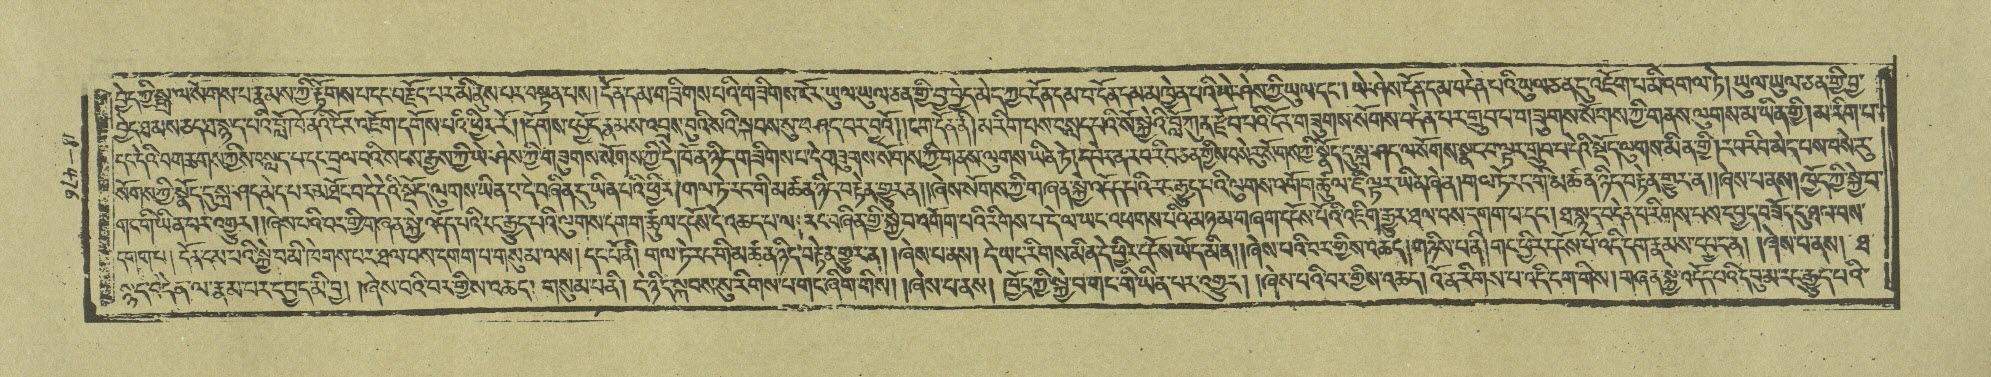བྱེད་ཀྱི་སྒྲ་ལ་སོགས་པ་རྣམས་ཀྱི་རྟོགས་པ་དང་བརྗོད་པར་མི་ནུས་པར་བསྟན་པས། དོན་དམ་གཟིགས་པའི་གཟིགས་ངོར་ཡུལ་ཡུལ་ཅན་གྱི་བྱ་བྱེད་མེད་ཀྱང་དོན་དམ་པ་དོན་དམ་མཁྱེན་པའི་ཡེ་ཤེས་ཀྱི་ཡུལ་དང་། ཡེ་ཤེས་དོན་དམ་བདེན་པའི་ཡུལ་ཅན་དུ་འཇོག་པ་མི་འགལ་ཏེ། ཡུལ་ཡུལ་ཅན་གྱི་བྱ་
བྱེད་ཐམས་ཅད་ཐ་སྙད་པའི་བློ་ཁོ་ནའི་ངོར་འཇོག་དགོས་པའི་ཕྱིར་རོ། །དོགས་དཔྱོད་རྣམས་འབྲས་བུའི་སའི་སྐབས་སུ་བཤད་པར་བྱའོ། །ངག་དོན་ནི། མ་རིག་པས་བསླད་པའི་སོ་སྐྱེའི་བློ་ཀུན་རྫོབ་པའི་ངོར་གཟུགས་སོགས་བདེན་པར་གྲུབ་པ་གཟུགས་སོགས་ཀྱི་གནས་ལུགས་མ་ཡིན་གྱི། མ་རིག་པ་
དང་དེའི་བག་ཆགས་ཀྱིས་བསླད་པ་དང་བྲལ་བའི་སངས་རྒྱས་ཀྱི་ཡེ་ཤེས་ཀྱི་གཟུགས་སོགས་ཀྱི་དེ་ཁོ་ན་ཉིད་གཟིགས་པ་དེ་གཟུགས་སོགས་ཀྱི་གནས་ལུགས་ཡིན་ཏེ། དཔེར་ན་རབ་རིབ་ཅན་གྱིས་བསེ་རུ་སོགས་ཀྱི་སྣོད་དུ་སྐྲ་ཤད་ལ་སོགས་སྣང་བ་ལྟར་གྲུབ་པ་དེའི་སྡོད་ལུགས་མིན་གྱི། རབ་རིབ་མེད་པས་བསེ་རུ་
སོགས་ཀྱི་སྣོད་དུ་སྐྲ་ཤད་མེད་པར་མཐོང་བ་དེ་དེའི་སྡོད་ལུགས་ཡིན་པ་དེ་བཞིན་དུ་ཡིན་པའི་ཕྱིར། གལ་ཏེ་རང་གི་མཚན་ཉིད་བརྟེན་གྱུར་ན། །ཞེས་སོགས་ཀྱི་གཞན་སྐྱེ་འདོད་པའི་རང་རྒྱུད་པའི་ལུགས་འགོག་ཚུལ་ཇི་ལྟར་ཡིན་ཞེ་ན། གལ་ཏེ་རང་གི་མཚན་ཉིད་བརྟེན་གྱུར་ན། །ཞེས་པ་ནས། ཁྱོད་ཀྱི་སྐྱེ་བ་
གང་གི་ཡིན་པར་འགྱུར། །ཞེས་པའི་བར་གྱི་གཞན་སྐྱེ་འདོད་པའི་རང་རྒྱུད་པའི་ལུགས་དགག་ཚུལ་དངོས་དེ་འཆད་པ་ལ། རང་བཞིན་གྱི་སྐྱེ་བ་འགོག་པའི་རིགས་པ་དེ་ལ་ཡང་འཕགས་པའི་མཉམ་གཞག་དངོས་པོའི་འཇིག་རྒྱུར་ཐལ་བས་དགག་པ་དང་། ཐ་སྙད་བདེན་པ་རིགས་པས་དཔྱད་བཟོད་དུ་ཐལ་བས་
དགག་པ། དོན་དམ་པའི་སྐྱེ་བ་མི་ཁེགས་པར་ཐལ་བས་དགག་པ་གསུམ་ལས། དང་པོ་ནི། གལ་ཏེ་རང་གི་མཚན་ཉིད་བརྟེན་གྱུར་ན། །ཞེས་པ་ནས། དེ་ཡང་རིགས་མིན་དེ་ཕྱིར་དངོས་ཡོད་མིན། །ཞེས་པའི་བར་གྱིས་འཆད། གཉིས་པ་ནི། གང་ཕྱིར་དངོས་པོ་འདི་དག་རྣམས་དཔྱད་ན། །ཞེས་པ་ནས། ཐ་
སྙད་བདེན་ལ་རྣམ་པར་དཔྱད་མི་བྱ། །ཞེས་པའི་བར་གྱིས་འཆད། གསུམ་པ་ནི། དེ་ཉིད་སྐབས་སུ་རིགས་པ་གང་ཞིག་གིས། །ཞེས་པ་ནས། ཁྱོད་ཀྱི་སྐྱེ་བ་གང་གི་ཡིན་པར་འགྱུར། །ཞེས་པའི་བར་གྱིས་འཆད། འོ་ན་རིགས་པ་འདི་དག་གིས། གཞན་སྐྱེ་འདོད་པའི་དབུ་མ་རང་རྒྱུད་པའི་